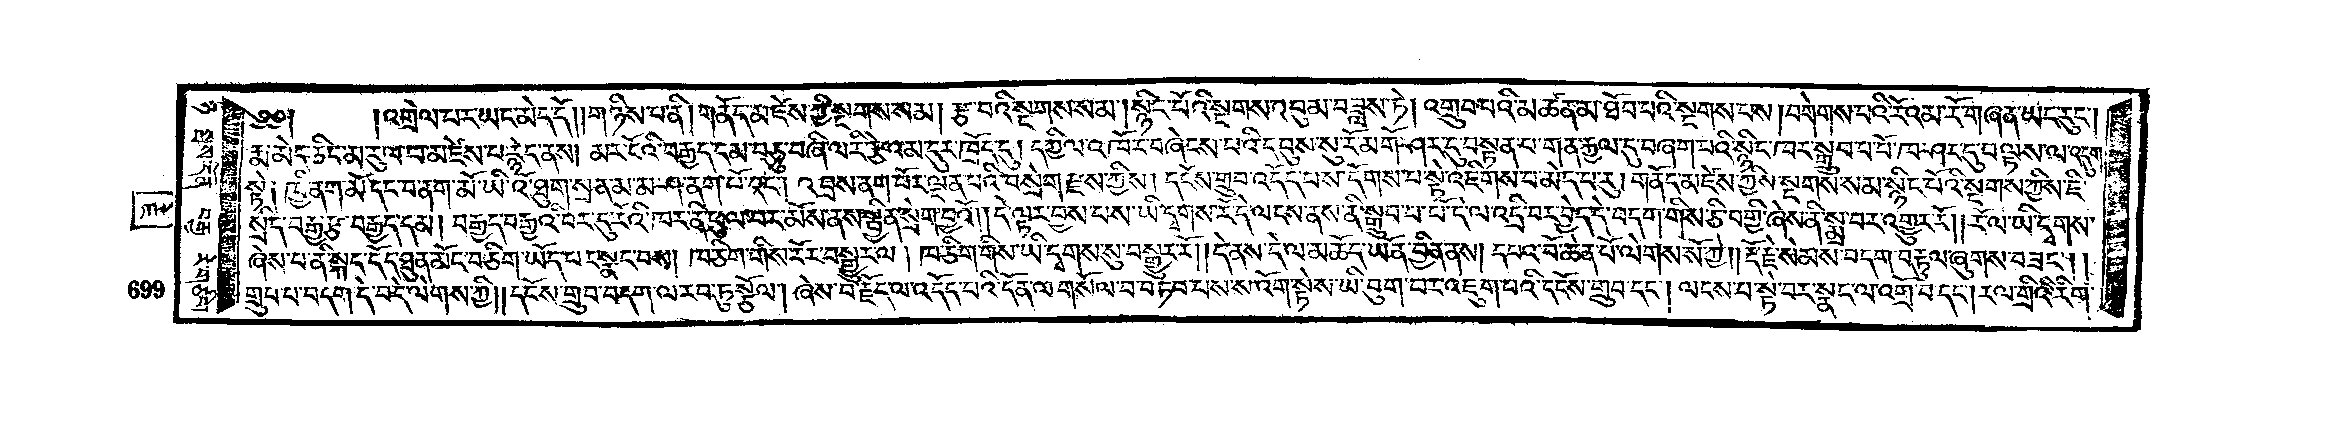༄༅། །འགྲེལ་པར་ཡང་མེད་དོ། །གཉིས་པ་ནི། གནོད་མཛེས་ཀྱི་སྔགས་སམ། རྩ་བའི་སྔགས་སམ། སྙིང་པོའི་སྔགས་འབུམ་བཟླས་ཏེ། འགྲུབ་པའི་མཚན་མ་ཐོབ་པའི་སྔགས་པས། བགེགས་པའི་རོའམ་རོ་གཞན་ཡང་རུང་།
རྨ་མེད་ཅིང་མ་རུལ་པ་མཛེས་པ་རྙེད་ནས། མར་ངོའི་བརྒྱད་དམ་བཅུ་བཞི་ལ་རི་རྩེའམ་དུར་ཁྲོད་དུ། དཀྱིལ་འཁོར་བཞེངས་པའི་དབུས་སུ་རོ་མགོ་ཤར་དུ་བསྟན་པ་གན་རྐྱལ་དུ་བཞག་པའི་སྙིང་ཁར་སྒྲུབ་པ་པོ་ཁ་ཤར་དུ་བལྟས་ལ་འདུག་
སྟེ། ཁྱི་ནག་མོ་དང་བ་ནག་མོ་ཡི་འོ་ཐུག་སྲན་མ་མ་ཤ་ནག་པོ་དང་། འབྲས་ནག་པོར་ལྡན་པའི་བསྲེག་རྫས་ཀྱིས། དངོས་གྲུབ་འདོད་པས་དོགས་པ་སྟེ་འཇིགས་པ་མེད་པ་རུ། གནོད་མཛེས་ཀྱིས་སྔགས་སམ་སྙིང་པོའི་སྔགས་ཀྱིས་ཇི་
སྲིད་བརྒྱ་རྩ་བརྒྱད་དམ། བརྒྱད་བརྒྱའི་བར་དུ་རོའི་ཁར་ནི་ཕུལ་བར་མོས་ནས་སྤྱིན་སྲེག་བྱའོ། །དེ་ལྟར་བྱས་པས་ཡི་དྭགས་རོ་དེ་ལངས་ནས་ནི་སྒྲུབ་པ་པོ་དེ་ལ་འདྲི་བར་བྱེད་དེ་བདག་གིས་ཅི་བགྱི་ཞེས་ནི་སྨྲ་བར་འགྱུར་རོ། །རོ་ལ་ཡི་དྭགས་
ཞེས་པ་ནི་སྐད་དོད་ཐུན་མོང་བ་ཅིག་ཡོད་པར་སྣང་བས། ཁ་ཅིག་གིས་རོར་བསྒྱུར་ལ། ཁ་ཅིག་གིས་ཡི་དྭགས་སུ་བསྒྱུར་རོ། །དེ་ནས་དེ་ལ་མཆོད་ཡོན་བྱིན་ནས། དཔའ་བོ་ཆེན་པོ་ལེགས་སོ་ཀྱེ། །རྡོ་རྗེ་སེམས་བདག་བརྟུལ་ཞུགས་བཟང་། །
གྲུབ་པ་བདག་དེ་བདེ་ལེགས་ཀྱི། །དངོས་གྲུབ་བདག་ལ་རབ་ཏུ་སྩོལ། ཞེས་བ་རྗོད་ལ་འདོད་པའི་དོན་ལ་གསོལ་བ་བཏབ་པས་ས་འོག་སྟེ་ས་ཡི་བུག་པར་འཇུག་པའི་དངོས་གྲུབ་དང་། ལངས་པ་སྟེ་བར་སྣང་ལ་འགྲོ་བ་དང་། རལ་གྲིའི་རིག་